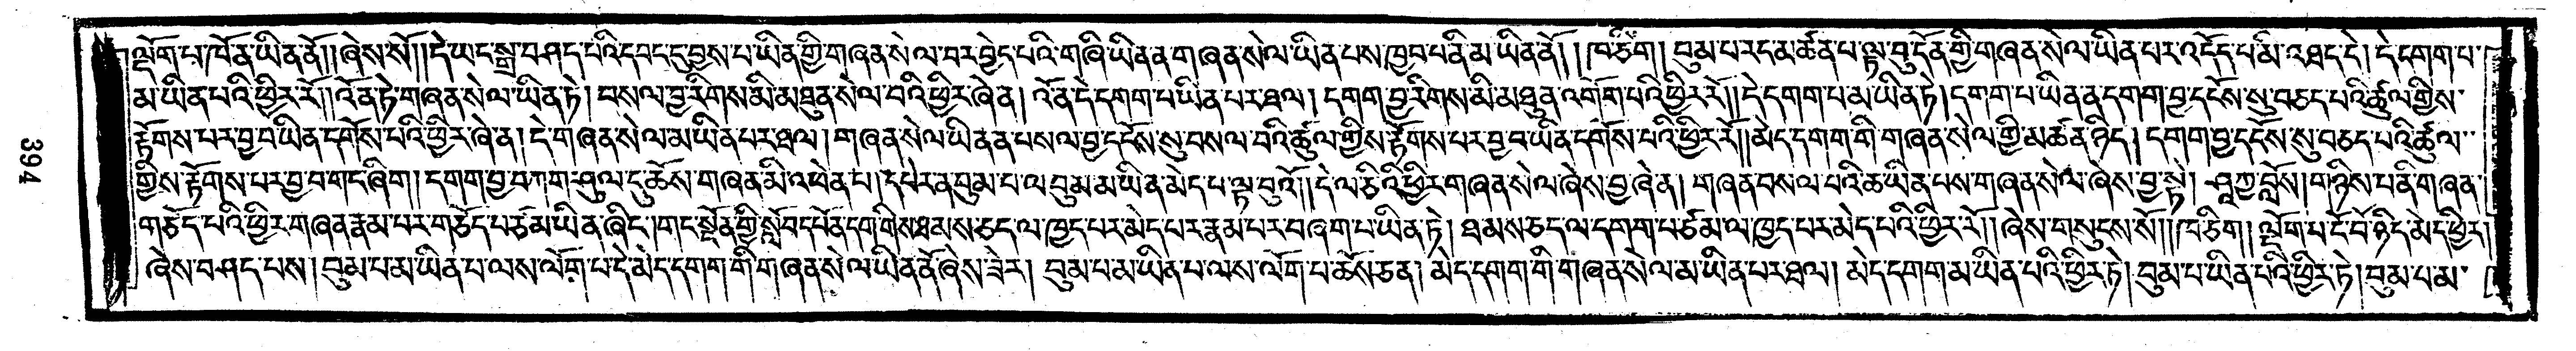ལྡོག་པ་ཁོ་ན་ཡིན་ནོ། །ཞེས་སོ། །དེ་ཡང་སྒྲ་བཤད་པའི་དབང་དུ་བྱས་པ་ཡིན་གྱི་གཞན་སེལ་བར་བྱེད་པའི་གཞི་ཡིན་ན་གཞན་སེལ་ཡིན་པས་ཁྱབ་པ་ནི་མ་ཡིན་ནོ། །ཁ་ཅིག །བུམ་པ་རང་མཚན་པ་ལྟ་བུ་དོན་གྱི་གཞན་སེལ་ཡིན་པར་འདོད་པ་མི་འཐད་དེ། དེ་དགག་པ་
མ་ཡིན་པའི་ཕྱིར་རོ། །འོན་ཏེ་གཞན་སེལ་ཡིན་ཏེ། བསལ་བྱ་རིགས་མི་མཐུན་སེལ་བའི་ཕྱིར་ཞེ་ན། འོ་ན་དེ་དགག་པ་ཡིན་པར་ཐལ། དགག་བྱ་རིགས་མི་མཐུན་འགོག་པའི་ཕྱིར་རོ། །དེ་དགག་པ་མ་ཡིན་ཏེ། དགག་པ་ཡིན་ན་དགག་བྱ་དངོས་སུ་བཅད་པའི་ཚུལ་གྱིས་
རྟོགས་པར་བྱ་བ་ཡིན་དགོས་པའི་ཕྱིར་ཞེ་ན། དེ་གཞན་སེལ་མ་ཡིན་པར་ཐལ། གཞན་སེལ་ཡིན་ན་བསལ་བྱ་དངོས་སུ་བསལ་བའི་ཚུལ་གྱིས་རྟོགས་པར་བྱ་བ་ཡིན་དགོས་པའི་ཕྱིར་རོ། །མེད་དགག་གི་གཞན་སེལ་གྱི་མཚན་ཉིད། དགག་བྱ་དངོས་སུ་བཅད་པའི་ཚུལ་
གྱིས་རྟོགས་པར་བྱ་བ་གང་ཞིག །དགག་བྱ་བཀག་ཤུལ་དུ་ཆོས་གཞན་མི་འཕེན་པ། དཔེར་ན་བུམ་པ་ལ་བུམ་མ་ཡིན་མེད་པ་ལྟ་བུའོ། །དེ་ལ་ཅིའི་ཕྱིར་གཞན་སེལ་ཞེས་བྱ་ཞེ་ན། གཞན་བསལ་བའི་ཆ་ཡིན་པས་གཞན་སེལ་ཞེས་བྱ་སྟེ། ཤཱཀྱ་བློས། གཉིས་པ་ནི་གཞན་
གཅོད་པའི་ཕྱིར་གཞན་རྣམ་པར་གཅོད་པ་ཙམ་ཡིན་ཞིང་། གང་སྔོན་གྱི་སློབ་དཔོན་དག་གིས་ཐམས་ཅད་ལ་ཁྱད་པར་མེད་པར་རྣམ་པར་བཞག་པ་ཡིན་ཏེ། ཐམས་ཅད་ལ་དགག་པ་ཙམ་ལ་ཁྱད་པར་མེད་པའི་ཕྱིར་རོ། །ཞེས་གསུངས་སོ། །ཁ་ཅིག །ལྡོག་པ་ངོ་བོ་ཉིད་མེད་ཕྱིར།
ཞེས་བཤད་པས། བུམ་པ་མ་ཡིན་པ་ལས་ལོག་པ་དེ་མེད་དགག་གི་གཞན་སེལ་ཡིན་ནོ་ཞེས་ཟེར། བུམ་པ་མ་ཡིན་པ་ལས་ལོག་པ་ཆོས་ཅན། མེད་དགག་གི་གཞན་སེལ་མ་ཡིན་པར་ཐལ། མེད་དགག་མ་ཡིན་པའི་ཕྱིར་ཏེ། བུམ་པ་ཡིན་པའི་ཕྱིར་ཏེ། བུམ་པ་མ་